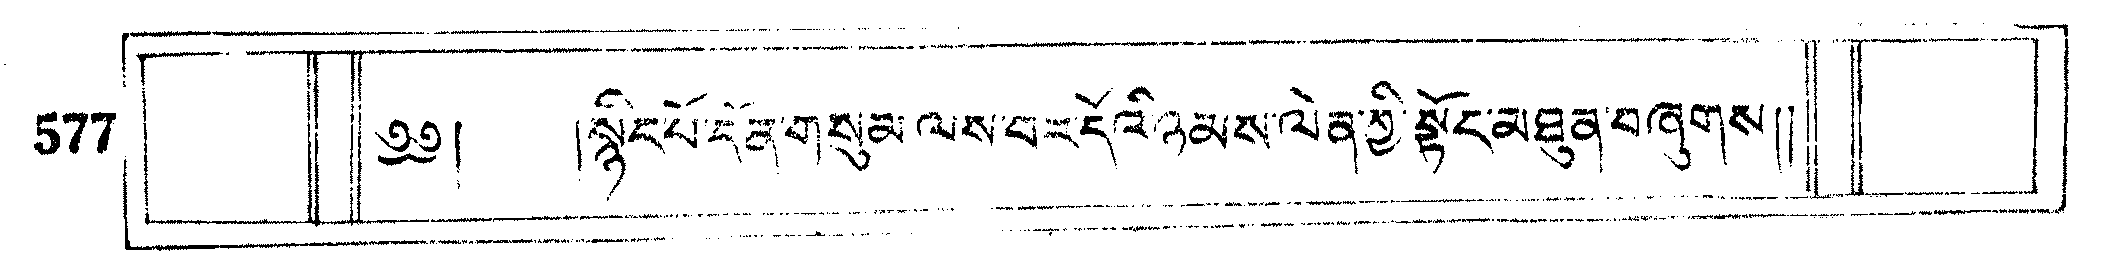༄༅། །སྙིང་པོ་དོན་གསུམ་ལས་བར་དོའི་ཉམས་ལེན་ཀྱི་སྟོང་མཐུན་བཞུགས།།